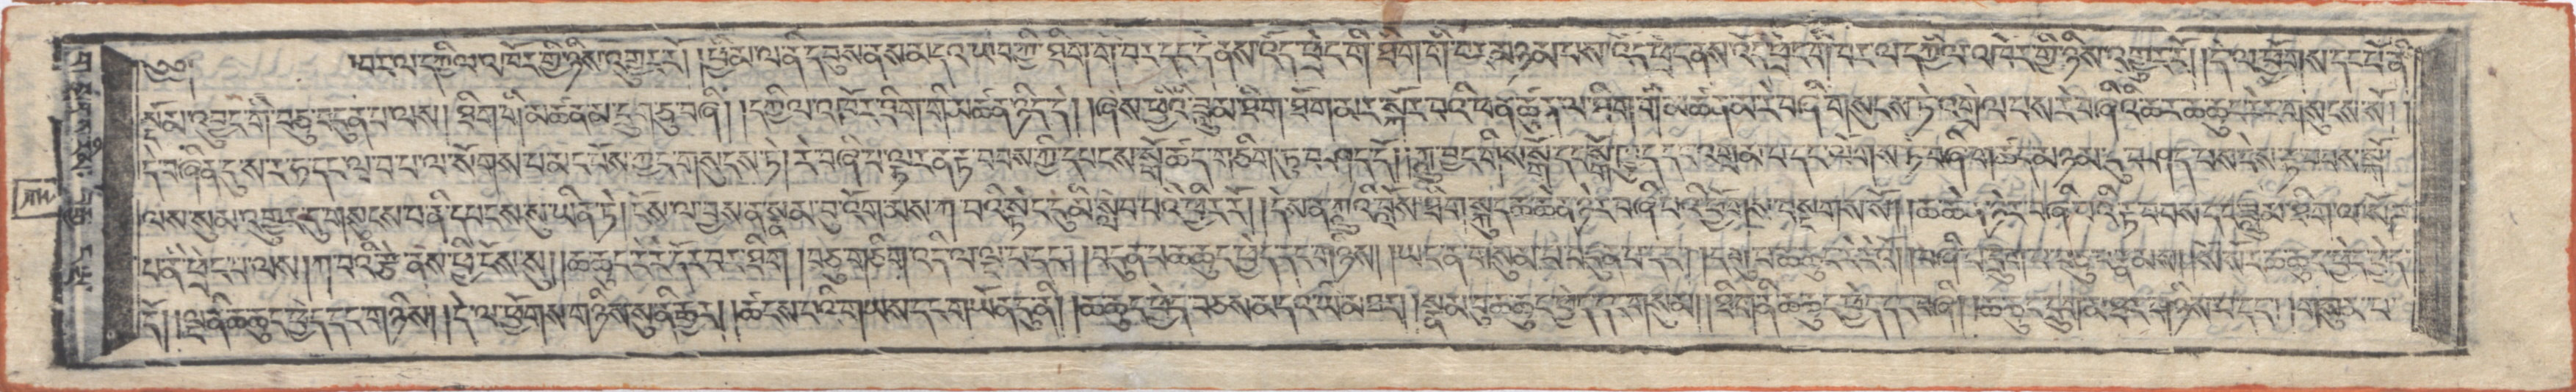༄༅། །བར་ལ་དཀྱིལ་འཁོར་གྱི་ཉིས་འགྱུར་རོ། །ཕྱི་མ་ལ་ནི་དབུས་ནས་མདའ་ཡབ་ཀྱི་ཐིག་གི་བར་དང་དེ་ནས་འོད་ཕྲེང་གི་ཐིག་གི་བར་མཉམ་པས་འོད་ཕྲེང་ནས་འོད་ཕྲེང་གི་བར་ལ་དཀྱིལ་འཁོར་གྱི་ཉིས་འགྱུར་རོ། །དེ་ལ་ཕྱོགས་དང་པོ་ནི་
སྡོམ་འབྱུང་གི་བཅུ་བདུན་པ་ལས། ཐིག་གི་མཚན་མ་དྲུག་ཅུ་བཞི། །དཀྱིལ་འཁོར་ཐིག་གི་མཚན་ཉིད་དེ། །ཞེས་ཕྱིའི་ཟླུམ་ཐིག་ཐོག་མར་སྐོར་བའི་ཕན་ཚུན་ལ་ཐིག་གི་མཚན་མ་རེ་བཞི་གསུངས་ཏེ་འགྲེལ་པས་རེ་བཞིའི་ཆ་རེ་ཆ་ཆུང་རེར་གསུངས་སོ། །
དེ་བཞིན་དུ་ས་ར་ཧ་དང་ལྭ་བ་པ་ལ་སོགས་པ་མང་པོས་ཀྱང་གསུངས་ཏེ། རེ་བཞི་པ་ལྟར་ན་རྟ་བབས་ཀྱི་དཔངས་སྒོ་ཚད་གཅིག་ཏུ་བཤད་དོ། །ཀླུ་བྱང་གིས་སྒོ་དང་སྒོ་ཁྱུད་དང་འགྲམ་པ་དང་ལོགས་ཏེ་བཞི་ག་ཚད་མཉམ་དུ་བཤད་པས་དེས་རྟ་བབས་སྒོ་
ལས་སུམ་འགྱུར་དུ་གསུངས་པ་ནི་དཔངས་སུ་ཡིན་ཏེ། ངོས་ལ་བྱས་ན་སྣམ་བུ་འོག་མས་ཀ་བའི་སྟེང་དུ་མི་སློབ་པའི་ཕྱིར་རོ། །དེས་ན་ཀླུའི་བློས་ཐིག་སྐུད་ཆ་ཆེན་ཉེར་བཞི་པའི་ཕྱོགས་བསྔགས་སོ། །ཆ་ཆེན་ཉེར་བཞི་པའི་རྟ་བབས་དང་ཟླུམ་ཐིག་ལ་སོགས་
པ་ནི་ཕྲེང་བ་ལས། ཀ་བའི་རྩེ་ནས་ཕྱི་ངོས་སུ། །ཆ་ཆུང་རེ་རེ་དོར་བར་ཐིག །བཅུ་གཅིག་འདི་ལ་ལྔ་པ་དང་། །བདུན་པ་ཆ་ཆུང་ཕྱེད་དང་གཉིས། །ཡང་ན་གསུམ་པ་བདུན་པ་དང་། །དགུ་པ་ཆ་ཆུང་རེ་རེའོ། །བཞི་པ་དྲུག་པ་བཅུ་པ་རྣམས། །སོ་སོར་ཆ་ཆུང་ཕྱེད་ཕྱེད་
དོ། །ལྔ་ནི་ཆ་ཆུང་ཕྱེད་དང་གཉིས། །དེ་ལ་ཕྱོགས་གཉིས་སུ་ནི་རྒྱར། །ཚངས་པའི་གཡས་དང་གཡོན་དུ་ནི། །ཆ་ཆུང་ཕྱེད་བཅས་མདའ་ཡི་མཐར། །སྣམ་བུ་ཆ་ཆུང་ཕྱེད་དང་གསུམ། །ཐིག་ནི་ཆ་ཆུང་ཕྱེད་དང་བཞི། །ཆ་ཆུང་དྲུག་མཐར་གཉིས་པ་དང་། །གསུམ་པ་